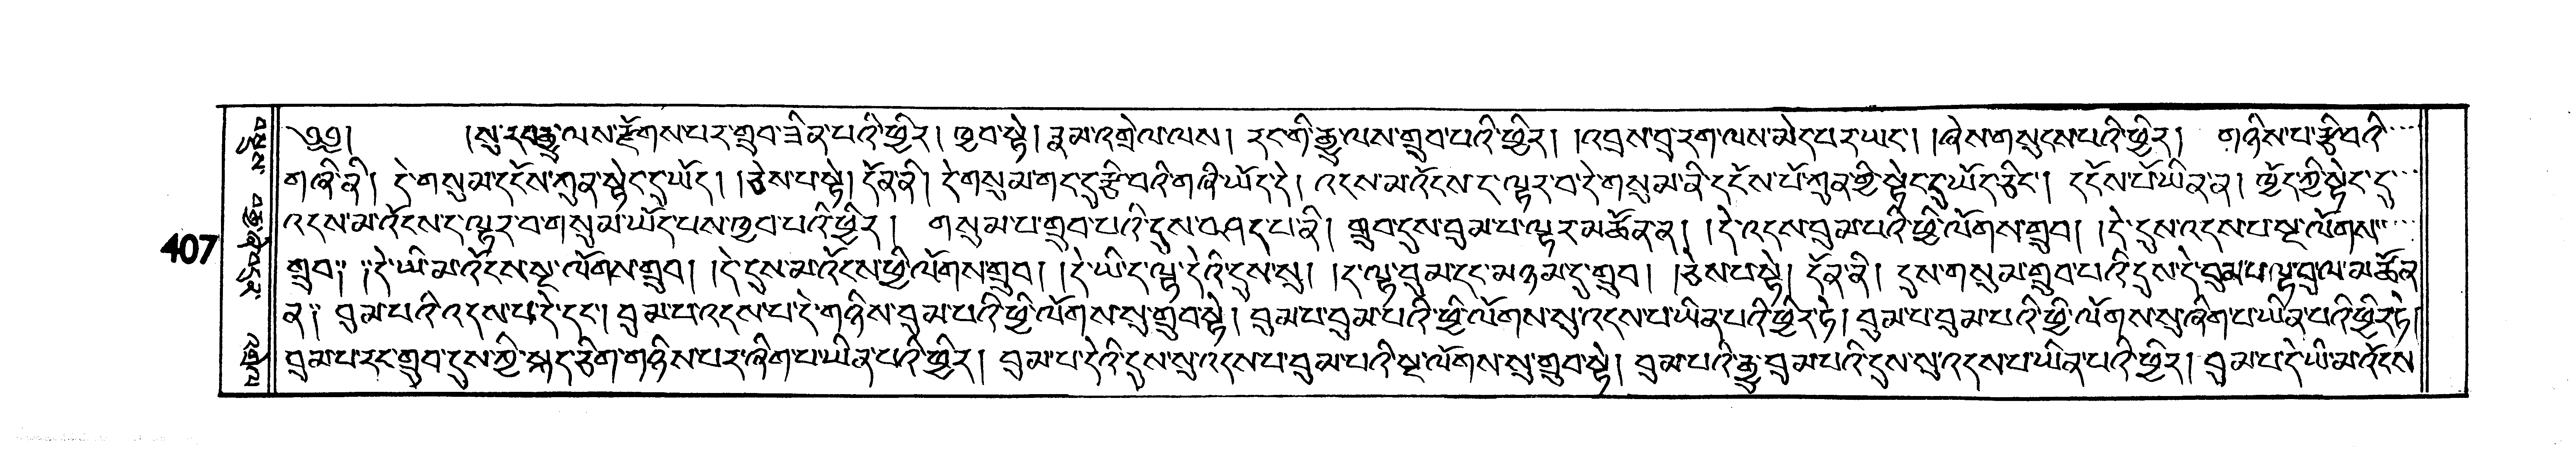༄༅། །སུ་རབ་རྒྱུ་ལས་རྫོགས་པར་གྲུབ་ཟིན་པའི་ཕྱིར། ཁྱབ་སྟེ། རྣམ་འགྲེལ་ལས། རང་གི་རྒྱུ་ལས་གྲུབ་པའི་ཕྱིར། འབྲས་བུ་རག་ལས་མེད་པར་ཡང་། ཞེས་གསུངས་པའི་ཕྱིར། གཉིས་པ་རྩི་བའི་
གཞི་ནི། དེ་གསུམ་དངོས་ཀུན་སྟེང་དུ་ཡོད། །ཅེས་པ་སྟེ། དོན་ནི། དེ་གསུམ་གང་དུ་རྩི་བའི་གཟི་ཡོད་དེ། འདས་མ་འོངས་ད་ལྟར་བ་དེ་གསུམ་ནི་དངོས་པོ་ཀུན་གྱི་སྟེང་དུ་ཡོད་ཅིང་། དངོས་པོ་ཡིན་ན། ཁྱོད་ཀྱི་སྟེང་དུ་
འདས་མ་འོངས་ད་ལྟར་བ་གསུམ་ཡོད་པས་ཁྱབ་པའི་ཕྱིར། གསུམ་པ་གྲུབ་པའི་དུས་བཤད་པ་ནི། གྲུབ་དུས་བུམ་པ་ལྟར་མཚོན་ན། །དེ་འདས་བུམ་པའི་ཕྱིར་ལོགས་གྲུབ། དེ་དུས་འདས་པ་སྔ་ལོགས་གྲུབ༑
།དེ་ཡི་མ་འོངས་སྔ་ལོག་གྲུབ། །དེ་དུས་མ་འོངས་ཕྱི་ལོག་གྲུབ། །དེ་ཡིད་ལྟ་དེའི་དུས་སུ། ད་ལྟ་བུ་མ་དང་མཉམ་དུ་གྲུབ། །ཅེས་པ་སྟེ། དོན་ནི། དུས་གསུམ་གྲུབ་པའི་དུས་དེ་བུམ་པ་ལྟ་བུ་ལ་མཚོན་
ན༑ བུམ་པའི་འདས་པ་དེ་དང་། བུམ་པ་འདས་པ་དེ་གཉིས་བུམ་པའི་ཕྱིར་ལོགས་སུ་གྲུབ་སྟེ། བུམ་པ་བུམ་པའི་ཕྱིར་ལོགས་སུ་འདས་པ་ཡིན་པའི་ཕྱིར་ཏེ། བུམ་པ་བུམ་པའི་ཕྱི་ལོགས་སུ་ཞིག་པ་ཡིན་པའི་ཕྱིར་ཏེ་
བུམ་པ་རང་གྲུབ་དུས་ཀྱི་སྐད་ཅིག་གཉིས་པར་ཞིག་ཡིན་པའི་ཕྱིར། བུམ་པ་དེའི་དུས་སུ་བུམ་པའི་སྔ་ལོགས་སུ་གྲུབ་སྟེ། བུམ་པའི་རྒྱུ་བུམ་པའི་དུས་སུ་འདས་པ་ཡིན་པའི་ཕྱིར། བུམ་པ་དེ་ཡིན་མ་འོངས་